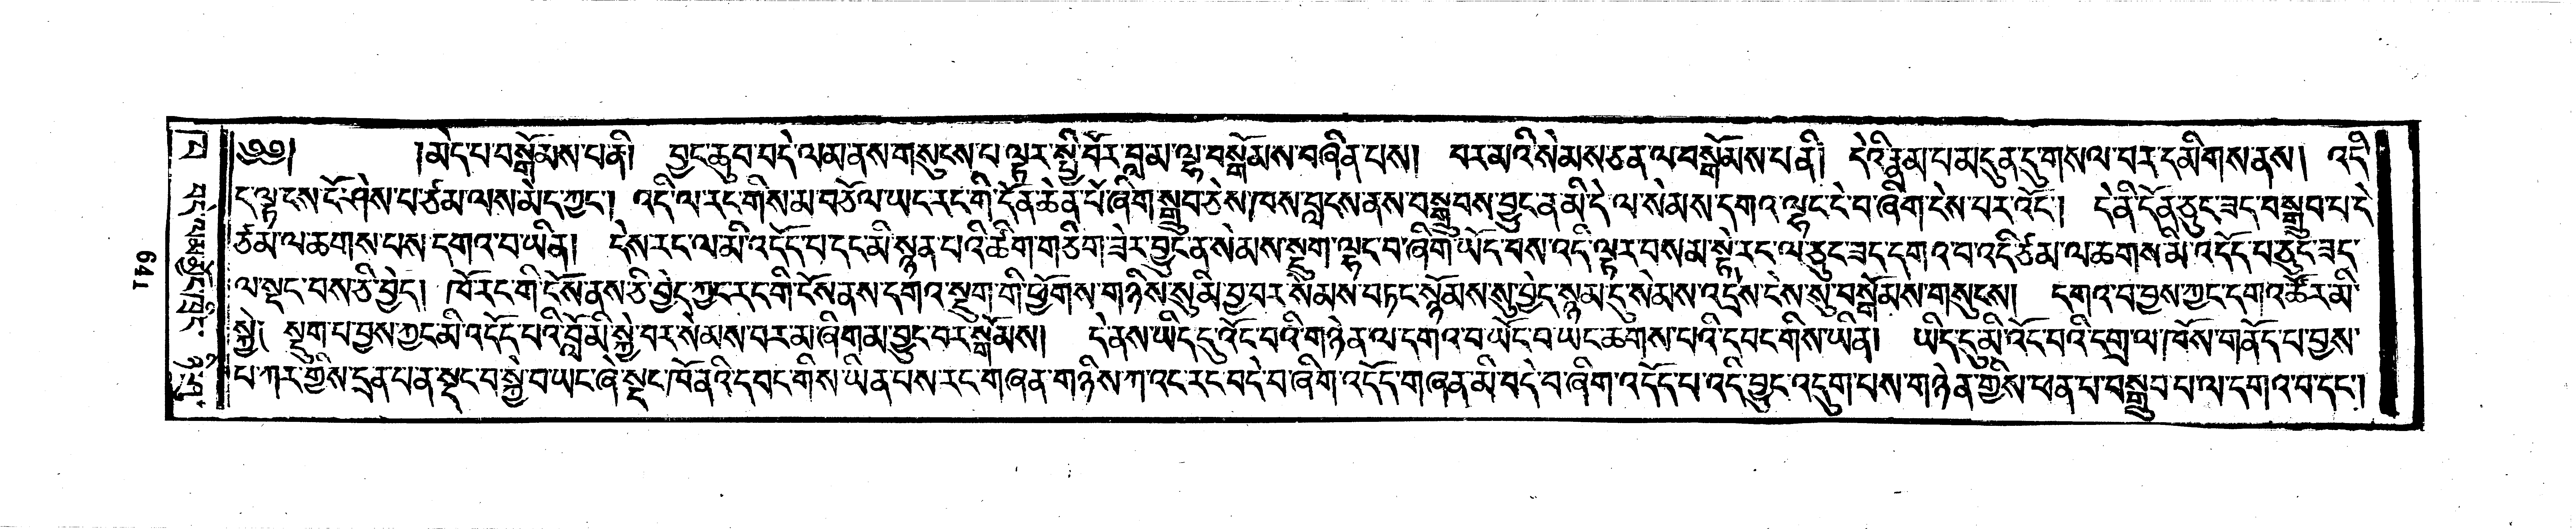༄༅། །མེད་པ་བསྒོམས་པ་ནི། བྱང་ཆུབ་བདེ་ལམ་ནས་གསུངས་པ་ལྟར་སྤྱི་བོར་བླ་མ་ལྷ་བསྒོམས་བཞིན་པས། བར་མའི་སེམས་ཅན་ལ་བསྒོམས་པ་ནི། དེའི་རྣམ་པ་མདུན་དུ་གསལ་བར་དམིགས་ནས། འདི་
ད་ལྟ་ངས་ངོ་ཤེས་པ་ཙམ་ལས་མེད་ཀྱང་། འདི་ལ་རང་གིས་མ་བཅོལ་ཡང་རང་གི་དོན་ཆེན་པོ་ཞིག་སྒྲུབ་ཅེས་ཁས་བླངས་ནས་བསྒྲུབས་བྱུང་ན་མི་དེ་ལ་སེམས་དགའ་ལྷང་ངེ་བ་ཞིག་ངེས་པར་འོད། དེ་ནི་དོན་ཅུང་ཟད་བསྒྲུབ་པ་དེ་
ཙམ་ལ་ཆགས་པས་དགའ་བ་ཡིན། དེས་རང་ལ་མི་འདོད་པ་དང་མི་སྙན་པའི་ཚིག་གཅིག་ཟེར་བྱུང་ན་སེམས་སྡུག་ལྷང་བ་ཞིག་ཡོད་པས་འདི་ལྟར་བསམ་སྟེ་རང་ལ་ཅུང་ཟད་དགའ་བ་འདི་ཙམ་ལ་ཆགས་མི་འདོད་པ་ཅུང་ཟད་
ལ་སྡང་བས་ཅི་བྱེད། ཁོ་རང་གི་ངོས་ནས་ཅི་བྱེད་ཀྱང་རང་གི་ངོས་ནས་དགའ་སྡུག་གི་ཕྱོགས་གཉིས་སུ་མི་བྱ་བར་སེམས་བཏང་སྙོམས་སུ་བྱེད་སྙམ་དུ་སེམས་འདྲེས་ངེས་སུ་བསྒོམས་གསུངས། དགའ་བ་བྱས་ཀྱང་དགའ་ཚོར་མི་
སྐྱེ༑ སྡུག་པ་བྱས་ཀྱང་མི་འདོད་པའི་བློ་མི་སྐྱེ་བར་སེམས་བར་མ་ཞིག་མ་བྱུང་བར་སྒོམས། དེ་ནས་ཡིད་དུ་འོང་བའི་གཉེན་ལ་དགའ་བ་ཡོད་པ་ཡང་ཆགས་པའི་དབང་གིས་ཡིན། ཡིད་དུ་མི་འོད་བའི་དགྲ་ལ་ཁོས་གནོད་པ་བྱས་
པ་ཀར་གྱིས་དྲན་པ་ན་སྡང་བ་སྐྱེ་བ་ཡང་ཞེ་སྡང་ཁོ་ནའི་དབང་གིས་ཡིན་པས་རང་གཞན་གཉིས་ཀ་འང་རང་བདེ་བ་ཞིག་འདོད་གཞན་མི་བདེ་བ་ཞིག་འདོད་པ་འདི་བྱུང་འདུག་བས་གཉེན་གྱིས་ཕན་པ་བསྒྲུབ་པ་ལ་དགའ་བ་དང་།